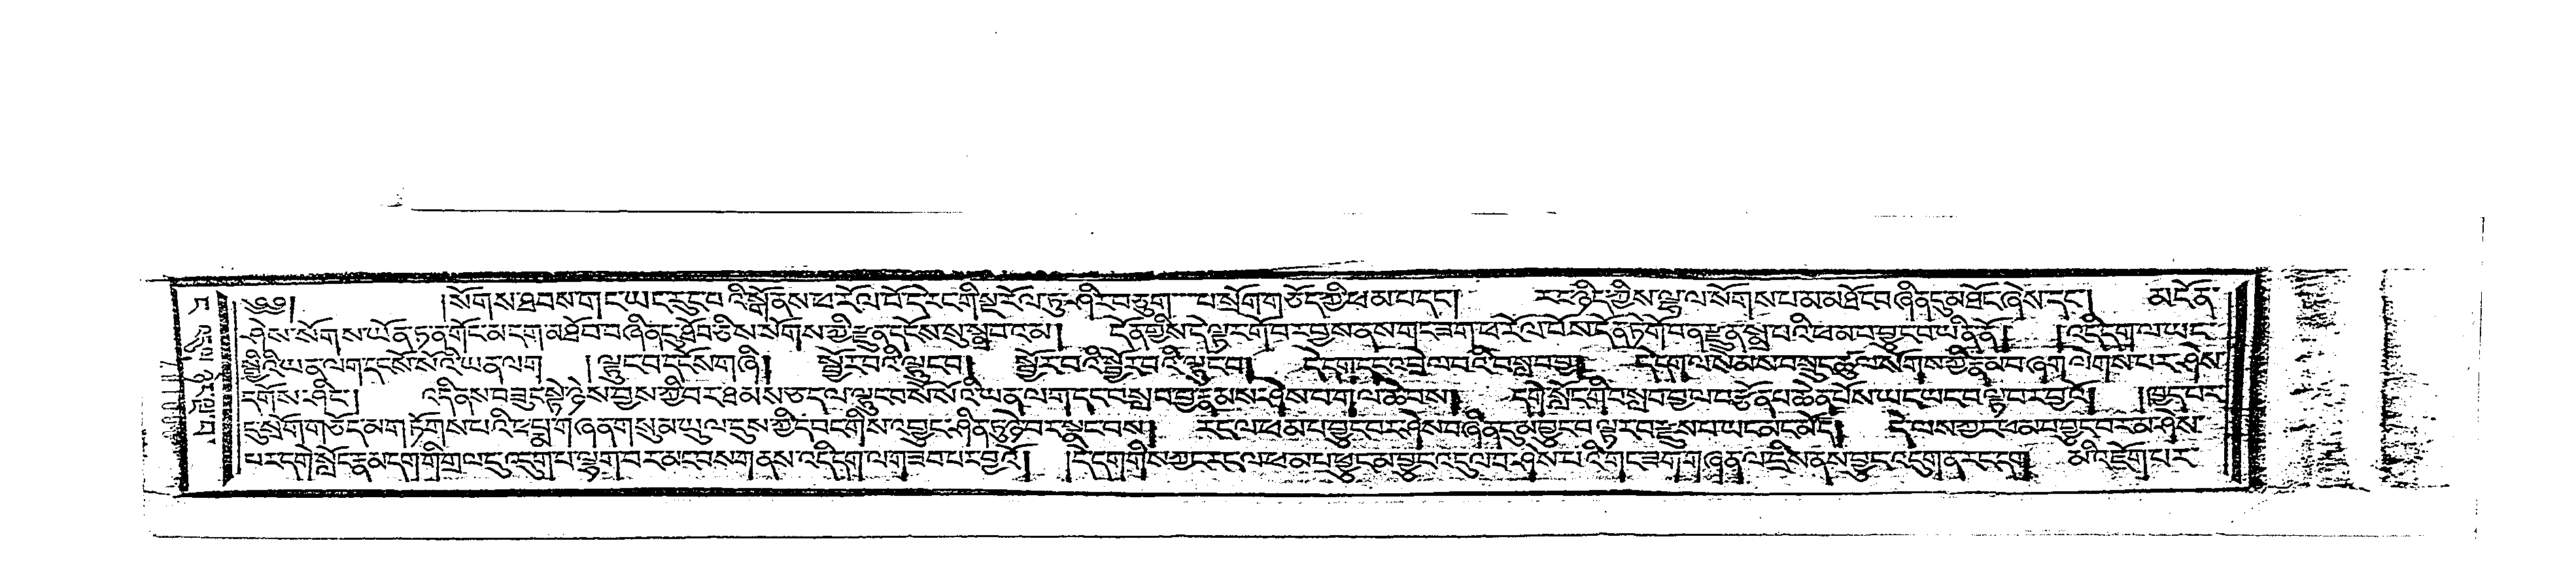༄༅། །སོགས་ཐབས་གང་ཡང་རུང་བའི་སྒོ་ནས་ཕ་རོལ་པོ་དེ་རང་གི་སྔ་རོལ་ཏུ་ཤིར་བཅུག་པ་སྲོག་གཅོད་ཀྱི་ཕམ་པ་དང་། རང་ཉིད་ཀྱིས་ལྷ་ལ་སོགས་པ་མ་མཐོང་བཞིན་དུ་མཐོང་ཞེས་དང་། མངོན་
ཤེས་སོགས་ཡོན་ཏན་གོང་མདག་མཐོབ་བཞིན་དུ་ཐོབ་ཅིས་སོགས་ཀྱི་རྫུན་དངོས་སུ་སྨྲ་བ་འམ། དོན་གྱིས་དེ་ལྟར་གོ་བར་བྱས་ནས་གང་ཟག་ཕ་རོལ་པོས་དོན་ཏེ་གོ་བ་ན་རྫུན་སྨྲ་བའི་ཕམ་པ་བྱུང་བ་ཡིན་ནོ། །འདི་དག་ལ་ཡང་
སྤྱིའི་ཡན་ལག་དང་སོ་སོའི་ཡན་ལག །ལྟུང་བ་དངོས་གཞི། སྦྱོར་བའི་ལྟུང་བ། སྦྱོར་བའི་སྦྱོར་བའི་ལྟུང་བ། དེ་དག་དང་འབྲེལ་བའི་བསླབ་བྱ། དེ་དག་ལ་སེམས་བསྲུང་ཚུལ་སོགས་ཀྱི་རྣམ་བཞག་ལེགས་པར་ཤེས་
དགོས་ཤིང་། འདི་ནས་བཟུང་སྟེ་ཉེས་བྱས་ཀྱི་བར་ཐམས་ཅད་ལ་ལྟུང་བ་སོ་སོའི་ཡན་ལག་དང་བསླབ་བྱ་རྣམས་ཤེས་པ་གལ་ཆེ་བས། དགེ་སློང་གི་བསླབ་བྱ་ལ་བརྩོན་པ་ཆེན་པོས་ཡང་ཡང་བལྟ་བར་བྱའོ། །ཁྱད་པར་
དུ་སྲོག་གཅོད་མ་གཏོགས་པའི་པདམ་གཞན་གསུམ་ཡུལ་དུས་ཀྱི་དབང་གིས་འབྱུང་ཤིན་ཏུ་ཉེ་བར་སྣང་བས། རང་ལ་ཕམ་པ་བྱུང་བར་ཤེས་བཞིན་དུ་མ་བྱུང་བ་ལྟར་བརྫུས་པ་ཡང་མང་མོད། དེ་ལས་ཀྱང་ཕམ་པ་བྱུང་བར་མ་ཤེས་
པར་དགེ་སློང་རྣམ་དག་གི་གྲལ་དུ་འདུག་པ་ལྷག་པར་མང་བས་གནས་འདི་དག་ལ་གཟབ་པར་བྱའོ། །དེ་དག་གིས་ཀྱང་རང་ལ་ཕམ་པ་ཕྱུང་མ་བྱུང་འདུལ་བ་ཤེས་པའི་གང་ཟག་གཞན་ལ་དྲིས་ནས་བྱུང་འདུག་ན་རང་དག་མི་འཇོག་པར་